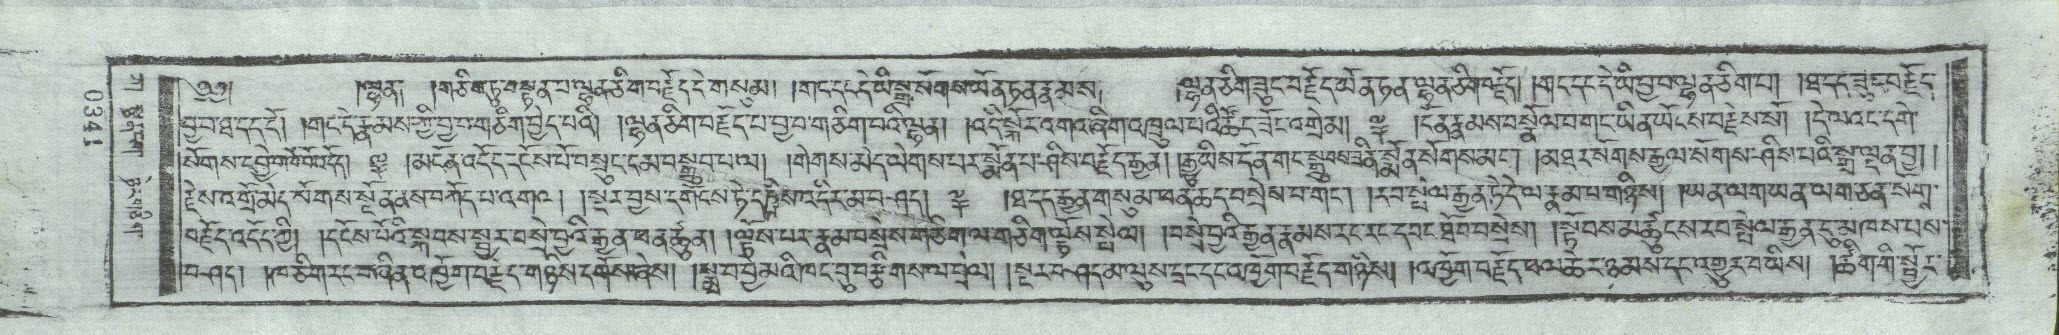༄༅། །ལྷན། །གཅིག་ཏུ་བསྟན་པ་ལྷན་ཅིག་བརྗོད་དེ་གསུམ། །གང་དང་དེ་ཡི་སྒྲ་སོགས་ཡོན་ཏན་རྣམས། །ལྷན་ཅིག་ཟུང་བརྗོད་ཡོན་ཏན་ལྷན་ཅིག་བརྗོད། །གང་དང་དེ་ཡི་བྱ་བ་ལྷན་ཅིག་པ། །ཐ་དད་ཟུང་བརྗོད་
བྱ་བ་ཐ་དད་དོ། །གང་དེ་རྣམས་ཀྱི་བྱ་བ་གཅིག་བྱེད་པའི། །ལྷན་ཅིག་བརྗོད་པ་བྱ་བ་གཅིག་པའི་ལྷན། །འདི་སྐོར་འགའ་ཞིག་འཁྲུལ་པའི་ཚོང་ཟོང་འགྲེམ། ༈ །དོན་རྣམས་བསྣོལ་བ་གང་ཡིན་ཡོངས་བརྗེས་སོ། །དེ་ལའང་དགེ་
སོགས་དབྱེ་བ་ཁོ་པོ་འདོད། ༈ །མདོ་འདོད་དངོས་པོ་བསྲུང་དམ་བསྒྲུབ་པ་ལ། །གེགས་མེད་ལེགས་པར་སྨོན་པ་ཤིས་བརྗོད་རྒྱན། །རྒྱུ་ཡིས་དོན་གང་སྒྲུབས་ཟིན་སྨོན་སོགས་མང་། །མཐར་སོགས་རྒྱལ་སོགས་ཤིས་པའི་སྒྲ་ལྡན་བྱ། །
རྗེས་འགྲོ་མེད་སོགས་སྔོན་ནས་བཀོད་པ་འགལ། །སྔར་བྱས་དགོངས་ཏེ་དཎྜིས་འདིར་མ་བཤད། ༈ །ཐ་དད་རྒྱན་གསུམ་ཕན་ཆད་བསྲེས་བ་གང་། །རབ་སྤེལ་རྒྱན་ཏེ་དེ་ལ་རྣམ་པ་གཉིས། །ཡན་ལག་ཡན་ལག་ཅན་སོགས་
བརྗོད་འདོད་ཀྱི། །དངོས་པོའི་སྐབས་སྦྱར་བསྲེ་བྱའི་རྒྱན་ཕན་ཚུན། །ལྟོས་པར་རྣམ་བསྲེས་གཅིག་ལ་གཅིག་ལྟོས་སྤེལ། །བསྲེ་བྱའི་རྒྱན་རྣམས་རང་རང་དབང་ཐོབ་བསྲེས། །སྟོབས་མཚུངས་རབ་སྤེལ་རྒྱན་དུ་མཁས་པས་
བཤད། །ཁ་ཅིག་རང་བཞིན་འཁྱོག་བརྗོད་གཉིས་དགོས་ཞེས། །སྨྲ་བ་བྱེ་མའི་ཁང་བུ་བརྩིགས་ལ་བྲེལ། །སྔར་བཤད་མ་ལུས་དྲང་དང་འཁྱོག་བརྗོད་གཉིས། །འཁྱོག་བརྗོད་ཕལ་ཆེར་ཉམས་དང་འགྱུར་བ་ཡིས། །ཚིག་གི་སྦྱོར་